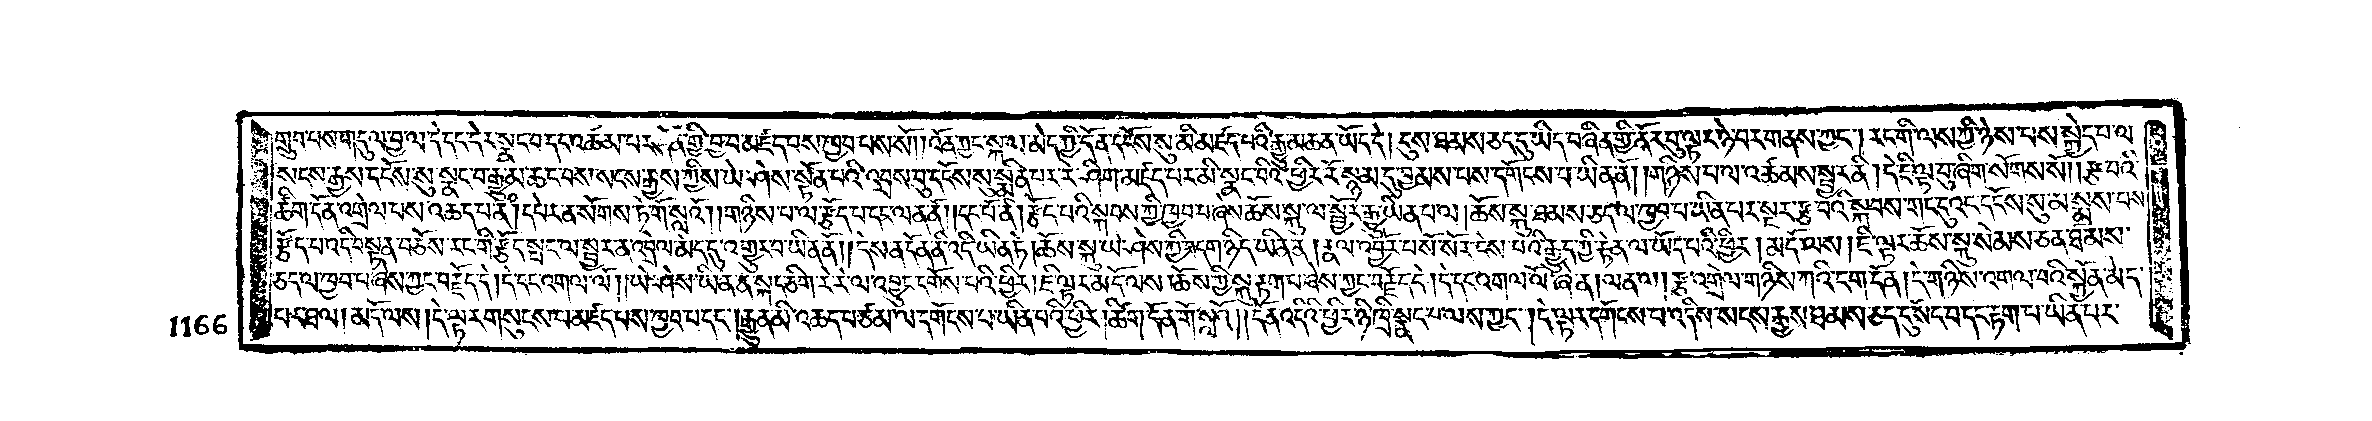གྲུབ་པས་གདུལ་བྱ་ལ་དེ་དང་དེར་སྣང་བ་དང་འཚམ་པར་དོན་གྱི་བྱ་བ་མཛད་པས་ཁྱབ་པས་སོ། །འོན་ཀྱང་སྐལ་མེད་ཀྱི་དོན་དངོས་སུ་མི་མཛད་པའི་རྒྱུ་མཚན་ཡོད་དེ། དུས་ཐམས་ཅད་དུ་ཡིད་བཞིན་གྱི་ནོར་བུ་ལྟར་ཉེ་བར་གནས་ཀྱང་། རང་གི་ལས་ཀྱི་ཉེས་པས་སྐྱེད་པ་ལ་
སངས་རྒྱས་དངོས་སུ་སྣང་བ་རྒྱུ་མ་ཆད་པས་སངས་རྒྱས་ཀྱིས་ཡེ་ཤེས་སྟོན་པའི་འབྲས་བུ་དངོས་སུ་སྨིན་པར་རེ་ཤིག་མཛད་པར་མི་སྣང་བའི་ཕྱིར་རོ། སྙམ་དུ་བྱམས་པས་དགོངས་པ་ཡིན་ནོ། །གཉིས་པ་ལ་འཚམས་སྦྱར་ནི། དེ་ཇི་ལྟ་བུ་ཞིག་སོགས་སོ། །རྩ་བའི་
ཚིག་དོན་འགྲེལ་པས་འཆད་པ་ནི། དཔེར་ན་སོགས་ཏེ་གོ་སླའོ། །གཉིས་པ་ལ་རྩོད་པ་དང་ལན་ནོ། །དང་པོ་ནི། རྩོད་པའི་སྐབས་ཀྱི་ཁྱབ་པ་ཞེས་ཆོས་སྐུ་ལ་སྦྱོར་རྒྱུ་ཡིན་པ་ལ། ཆོས་སྐུ་ཐམས་ཅད་ལ་ཁྱབ་པ་ཡིན་པར་སྔར་རྩ་བའི་སྐབས་གང་དུའང་དངོས་སུ་མ་སྨྲས་པས་
རྩོད་པ་འདི་བསྟན་བཅོས་རང་གི་རྩོད་སྤང་ལ་སྦྱར་ན་འབྲེལ་མེད་དུ་འགྱུར་པ་ཡིན་ནོ། །དེས་ན་དོན་ནི་འདི་ཡིན་ཏེ། ཆོས་སྐུ་ཡེ་ཤེས་ཀྱི་བདག་ཉིད་ཡིན་ན། རྣལ་འབྱོར་པ་སོ་སོར་ངེས་པའི་རྒྱུད་ཀྱི་རྟེན་ལ་ཡོད་པའི་ཕྱིར། མདོ་ལས། ཇི་ལྟར་ཆོས་སྐུ་སེམས་ཅན་ཐམས་
ཅད་ལ་ཁྱབ་པ་ཞེས་ཀྱང་བརྗོད་དེ། དེ་དང་འགལ་ལོ། །ཡེ་ཤེས་ཡིན་ན་སྐད་ཅིག་རེ་རེ་ལ་འབྱུང་དགོས་པའི་ཕྱིར། ཇི་ལྟར་མདོ་ལས་ཆོས་ཀྱི་སྐུ་རྟག་པ་ཞེས་ཀྱང་བརྗོད་དེ། དེ་དང་འགལ་ལོ་ཞེ་ན། ལན་ལ། རྩ་འགྲེལ་གཉིས་ཀའི་ངག་དོན། དེ་གཉིས་འགལ་བའི་སྐྱོན་མེད་
པར་ཐལ། མདོ་ལས། དེ་ལྟར་གསུངས་པ་མཛད་པས་ཁྱབ་པ་དང་། རྒྱུན་མི་འཆད་པ་ཙམ་ལ་དགོངས་པ་ཡིན་པའི་ཕྱིར། ཚིག་དོན་གོ་སླའོ། །དོན་འདིའི་ཕྱིར་ཉི་ཁྲི་སྣང་པ་ལས་ཀྱང་། དེ་ལྟར་དགོངས་པ་འདིས་སངས་རྒྱས་ཐམས་ཅད་དུ་སོང་བ་དང་རྟག་པ་ཡིན་པར་